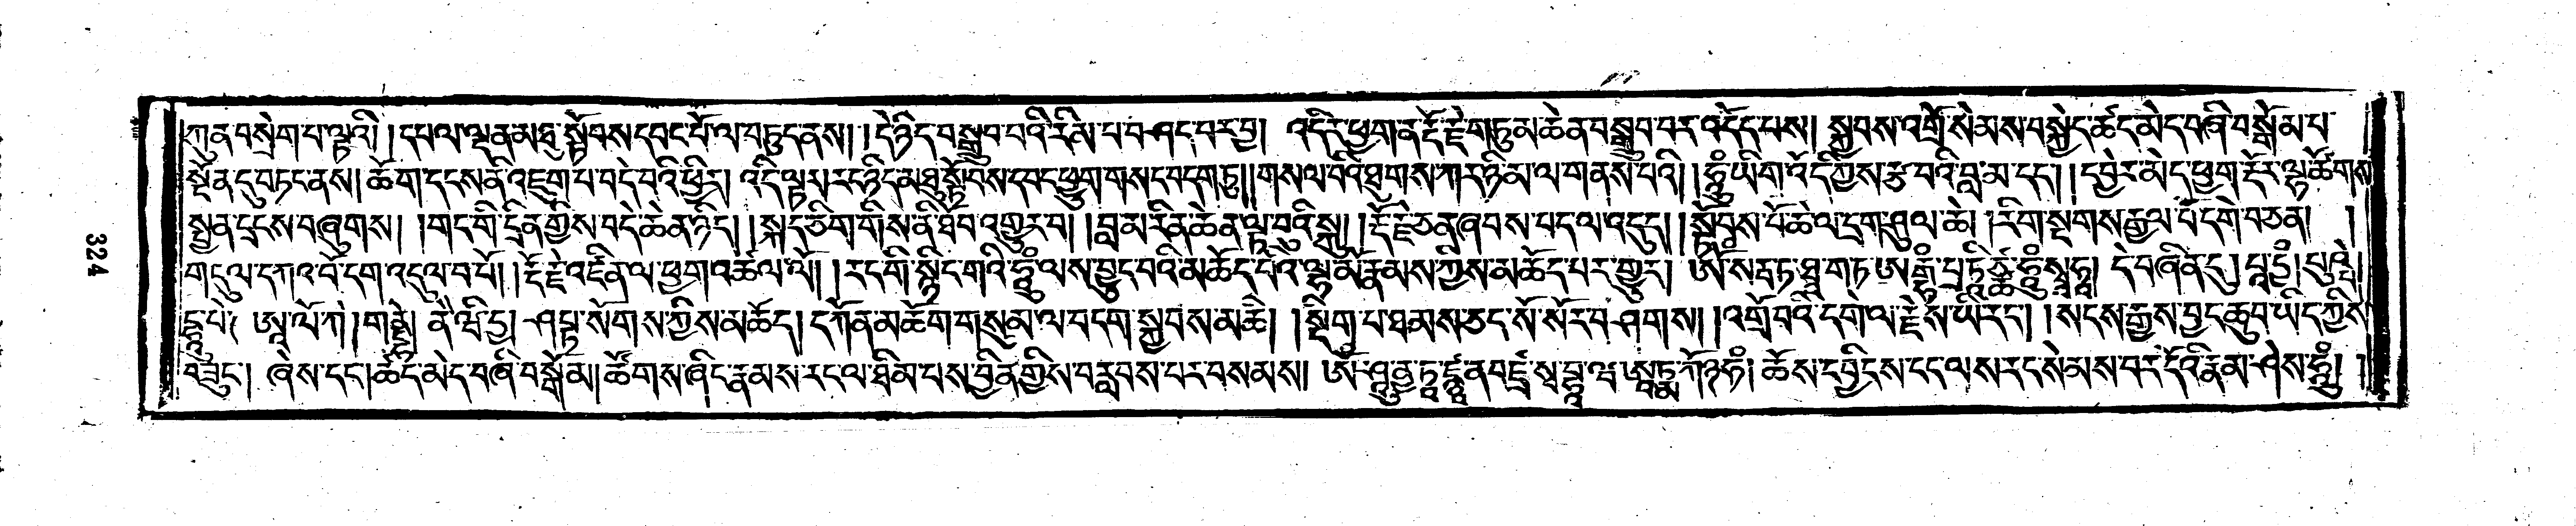ཀུན་བསྲེག་པ་ལྟའི། །དཔལ་ལྡན་མཐུ་སྟོབས་དབང་པོ་ལ་བཏུད་ནས། །དེ་ཉིད་བསྒྲུབ་པའི་རིམ་པ་བཤད་པར་བྱ། འདིར་ཕྱག་ན་རྡོ་རྗེ་གཏུམ་ཆེན་བསྒྲུབ་པར་འདོད་པས། སྐྱབས་འགྲོ་སེམས་བསྐྱེད་ཚད་མེད་བཞི་བསྒོམ་པ་
སྔོན་དུ་བཏང་ནས། ཆོ་ག་དངས་ནི་འཇུག་པ་བདེ་བའི་ཕྱིར། འདི་ལྟར། རང་ཉིད་མཐུ་སྟོབས་དབང་ཕྱུག་གསང་བདག་ཏུ། །གསལ་བའི་ཐུགས་ཀར་ཉི་མ་ལ་གནས་པའི། །ཧཱུཾ་ཡིག་འོད་ཀྱིས་རྩ་བའི་བླ་མ་དང་། །དབྱེར་མེད་ཕྱག་རྡོར་ལྷ་ཚོགས་
སྤྱན་དྲངས་བཞུགས། །གང་གི་དྲིན་གྱིས་བདེ་ཆེན་ཉིད། །སྐད་ཅིག་གིས་ནི་ཐོབ་འགྱུར་བ། །བླ་མ་རིན་ཆེན་ལྟ་བུའི་སྐུ། །རྡོ་རྗེ་ཅན་ཞབས་པད་ལ་འདུད། །སྟོབས་པོ་ཆེ་ལ་དྲག་ཤུལ་ཆེ། །རིག་སྔགས་རྒྱལ་པོ་དགེ་བ་ཅན། །
གདུལ་དཀའ་བོ་དག་འདུལ་བ་པོ། །རྡོ་རྗེ་འཛིན་ལ་ཕྱག་འཚལ་ལོ། །རང་གི་སྙིང་གའི་ཧཱུཾ་ལས་བྱུང་བའི་མཆོད་པའི་ལྷ་མོ་རྣམས་ཀྱིས་མཆོད་པར་གྱུར། ཨོཾ་སརྦ་ཏ་ཐཱ་ག་ཏ་ཨརྒྷཾ་པྲ་ཏཱི་ཙྪ་ཧཱུཾ་སྭཱཧཱ། དེ་བཞིན་དུ། པཱ་དྱཾ། པུཥྤེ།
དྷཱུ་པེ། ཨཱ་ལོ་ཀེ། གནྡྷེ། ནཻ་ཝིདྱ། ཤཔྟ་སོགས་ཀྱིས་མཆོད། དཀོན་མཆོག་གསུམ་ལ་བདག་སྐྱབས་མཆི། །སྡིག་པ་ཐམས་ཅད་སོ་སོར་བཤགས། །འགྲོ་བའི་དགེ་ལ་རྗེས་ཡི་རང་། །སངས་རྒྱས་བྱང་ཆུབ་ཡིད་ཀྱིས་
བཟུང་། ཞེས་དང་། ཚད་མེད་བཞི་བསྒོམ། ཚོགས་ཞིང་རྣམས་རང་ལ་ཐིམ་པས་བྱིན་གྱིས་བརླབས་པར་བསམས། ཨོཾ་ཤཱུནྱ་ཏཱ་ཛྙཱ་ན་བཛྲ་སྭ་བྷཱ་ཝ་ཨཱཏྨ་ཀོ་ཉ་ཧཾ། ཆོས་དབྱིངས་ངང་ལས་རང་སེམས་བར་དོའི་རྣམ་ཤེས་ཧཱུཾ། །